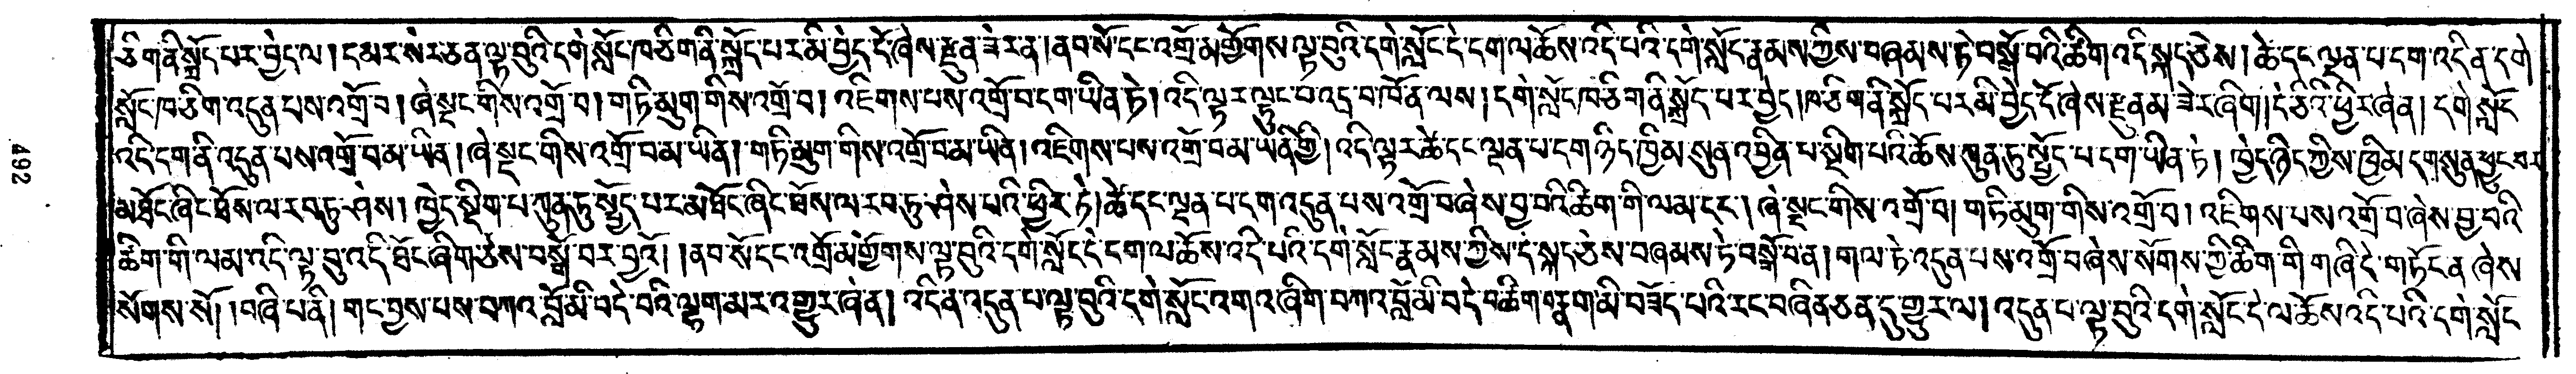ཅིག་ནི་སྐྲོད་པར་བྱེད་ལ། དམར་སེར་ཅན་ལྟ་བུའི་དགེ་སློང་ཁ་ཅིག་ནི་སྐྲོད་པར་མི་བྱེད་དོ་ཞེས་རྫུན་ཟེར་ན། ནབ་སོ་དང་འགྲོ་མགྱོགས་ལྟ་བུའི་དགེ་སློང་དེ་དག་ལ་ཆོས་འདི་པའི་དགེ་སློང་རྣམས་ཀྱིས་བཞམས་ཏེ་བསྒོ་བའི་ཚིག་འདི་སྐད་ཅེས་།ཚེ་དང་ལྡན་པ་དག་འདི་ན་དགེ་
སློང་ཁ་ཅིག་འདུན་པས་འགྲོ་བ། ཞེ་སྡང་གིས་འགྲོ་བ། གཏི་མུག་གིས་འགྲོ་བ། འཇིགས་པས་འགྲོ་བ་དག་ཡིན་ཏེ། འདི་ལྟར་ལྟུང་བ་འདྲ་བ་ཁོ་ན་ལས། དགེ་སློང་ཁ་ཅིག་ནི་སྐྲོད་པར་བྱེད། ཁ་ཅིག་ནི་སྐྲོད་པར་མི་བྱེད་ངོ་ཞེས་རྫུན་མ་ཟེར་ཞིག། དེ་ཅིའི་ཕྱིར་ཞེ་ན། དགེ་སློང་
འདི་དག་ནི་འདུན་པས་འགྲོ་བ་མ་ཡིན། ཞེ་སྡང་གིས་འགྲོ་བ་མ་ཡིན། གཏི་མུག་གིས་འགྲོ་བ་མ་ཡིན། འཇིགས་པས་འགྲོ་བ་མ་ཡིན་གྱི། འདི་ལྟར་ཚེ་དང་ལྡན་པ་དག་ཉིད་ཁྱིམ་སུན་འབྱིན་པ་སྡིག་པའི་ཆོས་ཀུན་ཏུ་སྤྱོད་པ་དག་ཡིན་ཏེ། ཁྱེད་ཉིད་ཀྱིས་ཁྱིམ་དག་སུན་ཕྱུང་བར་
མཐོང་ཞིང་ཐོས་ལ་རབ་ཏུ་ཤེས། ཁྱེད་སྡིག་པ་ཀུན་ཏུ་སྤྱོད་པར་མཐོང་ཞིང་ཐོས་ལ་རབ་ཏུ་ཤེས་པའི་ཕྱིར་ཏེ། ཚེ་དང་ལྡན་པ་དག་འདུན་པས་འགྲོ་བ་ཞེས་བྱ་བའི་ཚིག་གི་ལམ་དང་། ཞེ་སྡང་གིས་འགྲོ་བ། གཏི་མུག་གིས་འགྲོ་བ། འཇིགས་པས་འགྲོ་བ་ཞེས་བྱ་བའི་
ཚིག་གི་ལམ་འདི་ལྟ་བུ་འདི་ཐོང་ཞིག་ཅེས་བསྒོ་བར་བྱའོ། །ནབ་སོ་དང་འགྲོ་མགྱོགས་ལྟ་བུའི་དགེ་སློང་དེ་དག་ལ་ཆོས་འདི་པའི་དགེ་སློང་རྣམས་ཀྱིས་དེ་སྐད་ཅེས་བཞམས་ཏེ་བསྒོ་བ་ན། གལ་ཏེ་འདུན་པས་འགྲོ་བཞེས་སོགས་ཀྱི་ཚིག་གི་གཞི་དེ་གཏོང་ན་ཞེས་
སོགས་སོ། །བཞི་པ་ནི། གང་བྱས་པས་བཀའ་བློ་མི་བདེ་བའི་ལྷག་མར་འགྱུར་ཞེ་ན། འདི་ན་འདུན་པ་ལྟ་བུའི་དགེ་སློང་འགའ་ཞིག་བཀའ་བློ་མི་བདེ་བ་ཚིག་བརྣག་མི་བཟོད་པའི་རང་བཞིན་ཅན་དུ་གྱུར་ལ། འདུན་པ་ལྟ་བུའི་དགེ་སློང་དེ་ལ་ཆོས་འདི་པའི་དགེ་སློང་